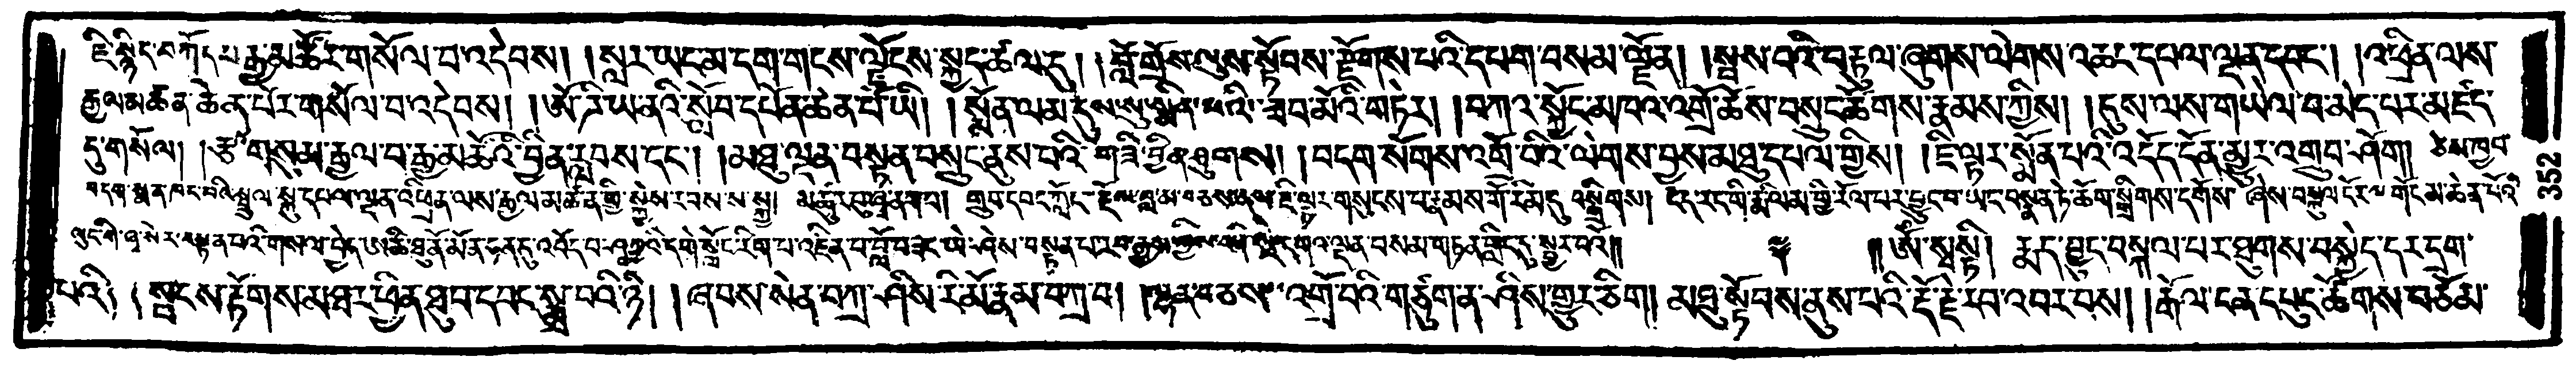ཇི་སྙིད་བཀོད་པ་རྒྱ་མཚོར་གསོལ་བ་འདེབས། །སླར་ཡང་མ་དག་གངས་ལྗོངས་སྐྱད་ཚལ་དུ། །བློ་གྲོས་ལུས་སྟོབས་རྫོགས་པའི་དཔག་བསམ་ལྗོན། །སྦས་པའི་བརྟུལ་ཞུགས་ལེགས་འཆང་དཔལ་ལྡན་དབང་། །འཕྲིན་ལས་
རྒྱལ་མཚན་ཆེན་པོར་གསོལ་བ་འདེབས། །ཨོ་ཌི་ཡ་ནའི་སློབ་དཔོན་ཆེན་པོ་ཡི། །སྨོན་ལམ་དུས་སུ་སྨིན་པའི་ཟབ་མོའི་གཏེར། །བཀའ་སྐྱོང་མཁའ་འགྲོ་ཆོས་བསྲུང་ཚོགས་རྣམས་ཀྱིས། །དུས་ལས་གཡེལ་བ་མེད་པར་མཛད་
དུ་གསོལ། །རྩ་གསུམ་རྒྱལ་བ་རྒྱ་མཚོའི་བྱིན་རླབས་དང་། །མཐུ་ལྡན་བསྟན་བསྲུང་ནུས་པའི་གཟི་བྱིན་ཤུགས། །བདག་སོགས་འགྲོ་བའི་ལེགས་བྱས་མཐུ་དཔལ་གྱིས། །ཇི་ལྟར་སྨོན་པའི་འདོད་དོན་མྱུར་འགྲུབ་ཤོག །ཅེས་ཁྱབ་
བདག་སྨན་ཁང་པའི་སྤྲུལ་སྐུ་དཔལ་ལྡན་འཕྲིན་ལས་རྒྱལ་མཚན་གྱི་སྐྱེས་རབས་ས་སྐྱ། མཚུར་བུ་ཞྭ་ནག་པ། གྲུབ་དབང་ཀློང་རྡོལ་བླ་མ་བཅས་ནས་ཇི་ལྟར་གསུངས་པ་རྣམས་གོ་རིམ་དུ་བསྒྲིགས། ངེད་རང་གི་རྨི་ལམ་གྱི་རོལ་པར་བྱུང་བ་ཡང་བསྣན་ཏེ་ཆོག་སྒྲིགས་དགོས་ཞེས་བསྐུལ་ངོར ༧་གོང་མ་ཆེན་པོའི་
ལུང་གི་ཞྭ་སེར་བསྟན་པའི་གསལ་བྱེད་ཨ་ཆི་ཐུ་ནོ་མོན་ཧན་དུ་འབོད་པ་ཤཱཀྱའི་དགེ་སློང་རིག་པ་འཛིན་པ་བློ་བཟང་ཡེ་ཤེས་བསྟན་པ་རབ་རྒྱས་ཀྱིས་བཞི་སྡེ་དགའ་ལྡན་བསམ་གཏན་གླིང་དུ་སྦྱར་བའོ།། ༈ །།ཨོཾ་སྭ་སྟི། རྨད་བྱུང་བསྐལ་པར་ཐུགས་བསྐྱེད་དར་དྲག་
པའི། །སྤངས་རྟོགས་མཐར་ཕྱིན་ཐུབ་དབང་སྨྲ་བའི་ཉི། །ཞབས་སེན་བཀྲ་ཤིས་རི་མོ་རྣམ་བཀྲ་བ། །ལྷན་བཅས་འགྲོ་བའི་གཙུག་ན་ཤིས་གྱུར་ཅིག །མཐུ་སྟོབས་ནུས་པའི་རྡོ་རྗེ་རབ་འབར་བས། །རྒོལ་ངན་དཔུང་ཚོགས་བཅོམ་